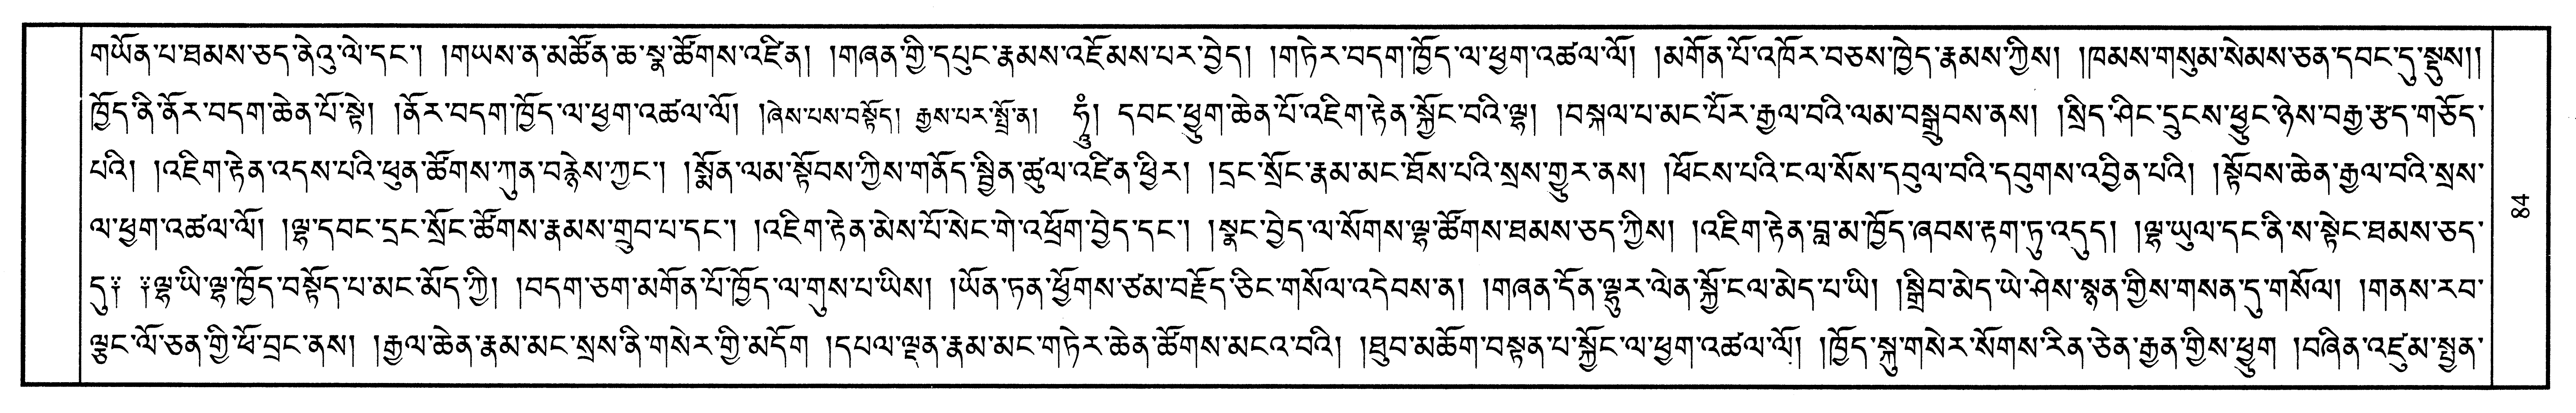གཡོན་པ་ཐམས་ཅད་ནེའུ་ལེ་དང་། །གཡས་ན་མཚོན་ཆ་སྣ་ཚོགས་འཛིན། །གཞན་གྱི་དཔུང་རྣམས་འཇོམས་པར་བྱེད། །གཏེར་བདག་ཁྱོད་ལ་ཕྱག་འཚལ་ལོ། །མགོན་པོ་འཁོར་བཅས་ཁྱེད་རྣམས་ཀྱིས། །ཁམས་གསུམ་སེམས་ཅན་དབང་དུ་སྡུས།།
ཁྱོད་ནི་ནོར་བདག་ཆེན་པོ་སྟེ། །ནོར་བདག་ཁྱོད་ལ་ཕྱག་འཚལ་ལོ། །ཞེས་པས་བསྟོད། རྒྱས་པར་སྤྲོ་ན། ཧཱུཾ། དབང་ཕྱུག་ཆེན་པོ་འཇིག་རྟེན་སྐྱོང་བའི་ལྷ། །བསྐལ་པ་མང་པོར་རྒྱལ་བའི་ལམ་བསྒྲུབས་ནས། །སྲིད་ཤིང་དྲུངས་ཕྱུང་ཉེས་བརྒྱ་རྩད་གཅོད་
པའི། །འཇིག་རྟེན་འདས་པའི་ཕུན་ཚོགས་ཀུན་བརྙེས་ཀྱང་། །སྨོན་ལམ་སྟོབས་ཀྱིས་གནོད་སྦྱིན་ཚུལ་འཛིན་ཕྱིར། །དྲང་སྲོང་རྣམ་མང་ཐོས་པའི་སྲས་གྱུར་ནས། །ཕོངས་པའི་ངལ་སོས་དབུལ་བའི་དབུགས་འབྱིན་པའི། །སྟོབས་ཆེན་རྒྱལ་བའི་སྲས་
ལ་ཕྱག་འཚལ་ལོ། །ལྷ་དབང་དྲང་སྲོང་ཚོགས་རྣམས་གྲུབ་པ་དང་། །འཇིག་རྟེན་མེས་པོ་སེང་གེ་འཕྲོག་བྱེད་དང་། །སྣང་བྱེད་ལ་སོགས་ལྷ་ཚོགས་ཐམས་ཅད་ཀྱིས། །འཇིག་རྟེན་བླ་མ་ཁྱོད་ཞབས་རྟག་ཏུ་འདུད། །ལྷ་ཡུལ་དང་ནི་ས་སྟེང་ཐམས་ཅད་
དུ༑ ༑ལྷ་ཡི་ལྷ་ཁྱོད་བསྟོད་པ་མང་མོད་ཀྱི། །བདག་ཅག་མགོན་པོ་ཁྱོད་ལ་གུས་པ་ཡིས། །ཡོན་ཏན་ཕྱོགས་ཙམ་བརྗོད་ཅིང་གསོལ་འདེབས་ན། །གཞན་དོན་ལྷུར་ལེན་སྐྱོ་ངལ་མེད་པ་ཡི། །སྒྲིབ་མེད་ཡེ་ཤེས་སྙན་གྱིས་གསན་དུ་གསོལ། །གནས་རབ་
ལྕང་ལོ་ཅན་གྱི་ཕོ་བྲང་ནས། །རྒྱལ་ཆེན་རྣམ་མང་སྲས་ནི་གསེར་གྱི་མདོག །དཔལ་ལྡན་རྣམ་མང་གཏེར་ཆེན་ཚོགས་མངའ་བའི། །ཐུབ་མཆོག་བསྟན་པ་སྐྱོང་ལ་ཕྱག་འཚལ་ལོ། །ཁྱོད་སྐུ་གསེར་སོགས་རིན་ཆེན་རྒྱན་གྱིས་ཕྱུག །བཞིན་འཛུམ་སྤྱན་